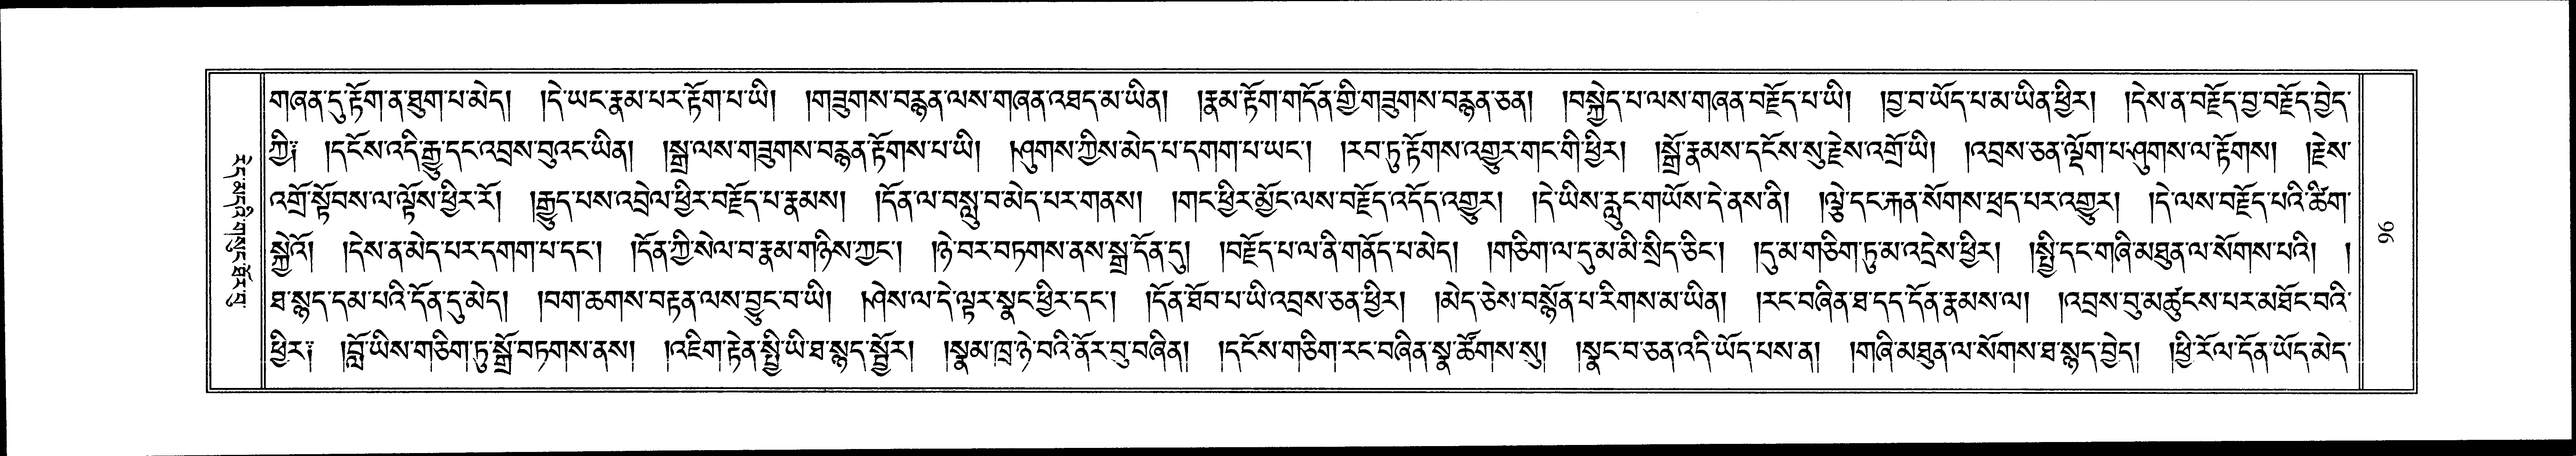གཞན་དུ་རྟོག་ན་ཐུག་པ་མེད། །དེ་ཡང་རྣམ་པར་རྟོག་པ་ཡི། །གཟུགས་བརྙན་ལས་གཞན་འཐད་མ་ཡིན། །རྣམ་རྟོག་གདོན་གྱི་གཟུགས་བརྙན་ཅན། །བསྐྱེད་པ་ལས་གཞན་བརྗོད་པ་ཡི། །བྱ་བ་ཡོད་པ་མ་ཡིན་ཕྱིར། །དེས་ན་བརྗོད་བྱ་བརྗོད་བྱེད་
ཀྱི། །དངོས་འདི་རྒྱུ་དང་འབྲས་བུའང་ཡིན། །སྒྲ་ལས་གཟུགས་བརྙན་རྟོགས་པ་ཡི། །ཤུགས་ཀྱིས་མེད་པ་དགག་པ་ཡང་། །རབ་ཏུ་རྟོགས་འགྱུར་གང་གི་ཕྱིར། །སྒྲོ་རྣམས་དངོས་སུ་རྗེས་འགྲོ་ཡི། །འབྲས་ཅན་ལྡོག་པ་ཤུགས་ལ་རྟོགས། །རྗེས་
འགྲོ་སྟོབས་ལ་ལྟོས་ཕྱིར་རོ། །རྒྱུད་པས་འབྲེལ་ཕྱིར་བརྗོད་པ་རྣམས། །དོན་ལ་བསླུ་བ་མེད་པར་གནས། །གང་ཕྱིར་མྱོང་ལས་བརྗོད་འདོད་འགྱུར། །དེ་ཡིས་རླུང་གཡོས་དེ་ནས་ནི། །ལྕེ་དང་རྐན་སོགས་ཕྲད་པར་འགྱུར། །དེ་ལས་བརྗོད་པའི་ཚིག་
སྐྱེའོ། །དེས་ན་མེད་པར་དགག་པ་དང་། །དོན་ཀྱི་སེལ་བ་རྣམ་གཉིས་ཀྱང་། །ཉེ་བར་བཏགས་ནས་སྒྲ་དོན་དུ། །བརྗོད་པ་ལ་ནི་གནོད་པ་མེད། །གཅིག་ལ་དུ་མ་མི་སྲིད་ཅིང་། །དུ་མ་གཅིག་ཏུ་མ་འདྲེས་ཕྱིར། །སྤྱི་དང་གཞི་མཐུན་ལ་སོགས་པའི། །
ཐ་སྙད་དམ་པའི་དོན་དུ་མེད། །བག་ཆགས་བརྟན་ལས་བྱུང་བ་ཡི། །ཤེས་ལ་དེ་ལྟར་སྣང་ཕྱིར་དང་། །དོན་ཐོབ་པ་ཡི་འབྲས་ཅན་ཕྱིར། །མེད་ཅེས་བསྙོན་པ་རིགས་མ་ཡིན། །རང་བཞིན་ཐ་དད་དོན་རྣམས་ལ། །འབྲས་བུ་མཚུངས་པར་མཐོང་བའི་
ཕྱིར། །བློ་ཡིས་གཅིག་ཏུ་སྒྲོ་བཏགས་ནས། །འཇིག་རྟེན་སྤྱི་ཡི་ཐ་སྙད་སྦྱོར། །སྣམ་ཁྲ་ཉེ་བའི་ནོར་བུ་བཞིན། །དངོས་གཅིག་རང་བཞིན་སྣ་ཚོགས་སུ། །སྣང་བ་ཅན་འདི་ཡོད་པས་ན། །གཞི་མཐུན་ལ་སོགས་ཐ་སྙད་བྱེད། །ཕྱི་རོལ་དོན་ཡོད་མེད་